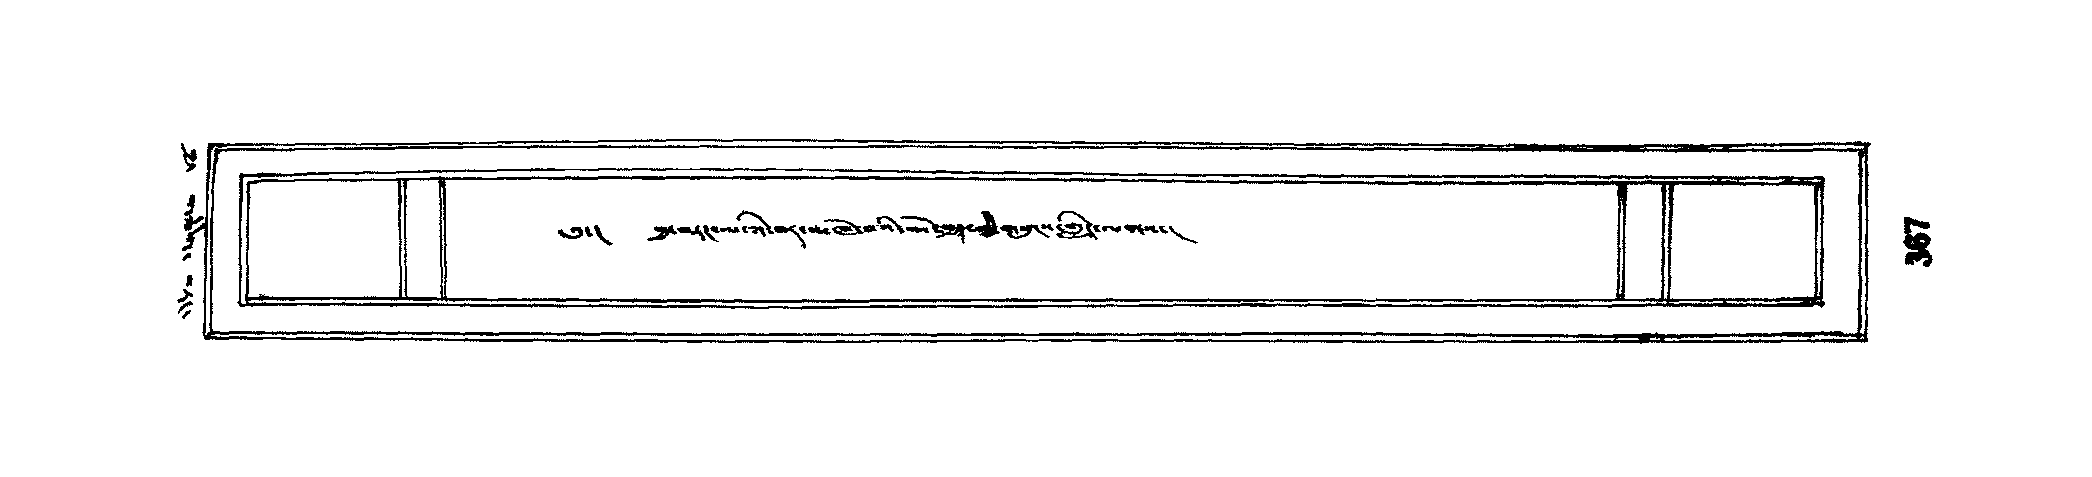༄། བྱ་བཏང་ལ་ཉེ་བར་མཁེ་བའི་ཡོ་བྱད་ཀྱི་གསུངས་གླིང་ལགས།